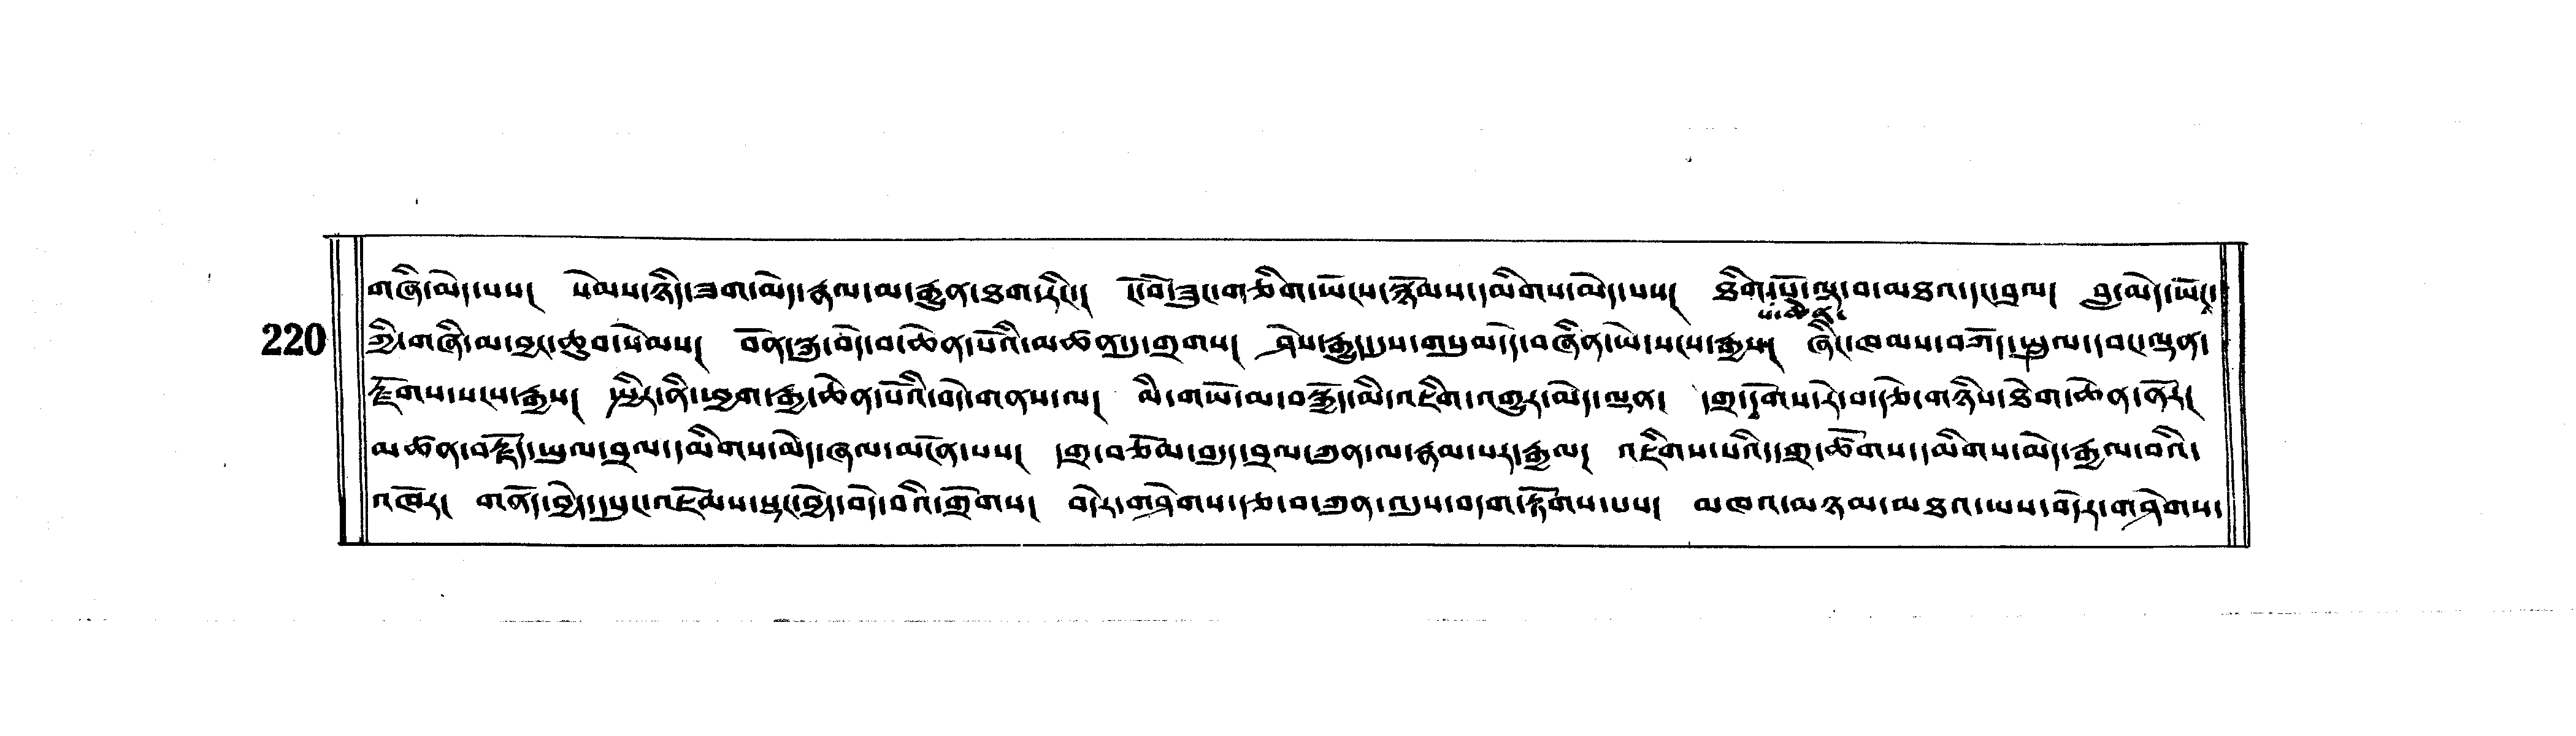གཞི་མེད་པས། སེམས་ཉིད་ཟག་མེད་རྣལ་མ་རྒྱུན་ཐག་རིང་། ངོ་བོ་ཟུང་གཅིག་ཡོངས་རྫོགས་དམིགས་མེད་པས། ཐེག་པ་ཆེན་པོ་ལྟ་བ་མཐའ་དང་བྲལ། བླ་མེད་ཡོངས་
ཀྱི་གཞི་མ་བྱང་ཆུབ་སེམས། བོན་སྐུ་བདེ་བ་ཆེན་པོའི་མཚན་དུ་གྲགས། ཤེས་རྒྱུད་དུས་གསུམ་དེ་བཞིན་ཡེ་སངས་རྒྱས། ཞིང་ཁམས་བཀོད་སྤྲུལ་དབང་ལྡན་
རྫོགས་སངས་རྒྱས། སྤྱིར་ནི་ཕྱག་རྒྱ་ཆེན་པོའི་བདེ་གནས་ལ། མི་གཡོ་མ་བསྐྱོད་མི་འཇིག་འགྱུར་མེད་ལྡན། དགྲ་དྭོགས་རེ་བ་རྩེ་གཉིས་ཐེག་ཆེན་ནོར། 
མཚན་བརྗོད་ཡུལ་བྲལ་དམིགས་མེད་ཞལ་མངོན་པས། དགྲ་བཅོམ་བདུད་བྲལ་ཀུན་ལས་རྣམ་པར་རྒྱལ། འཇིགས་པའི་དགྲ་ཚོགས་དམིགས་མེད་རྒྱལ་བའི་
འཁོར། གནོད་བྱེད་དཔུང་འཇོམས་སྡང་བྱེད་བདེ་བའི་གྲོགས། བདེར་གཤེགས་རྩ་བ་ཀུན་འདུས་བདག་རྟོགས་པས། མཁའ་མཉམ་མཐའ་ཡས་བདེར་གཤེགས་